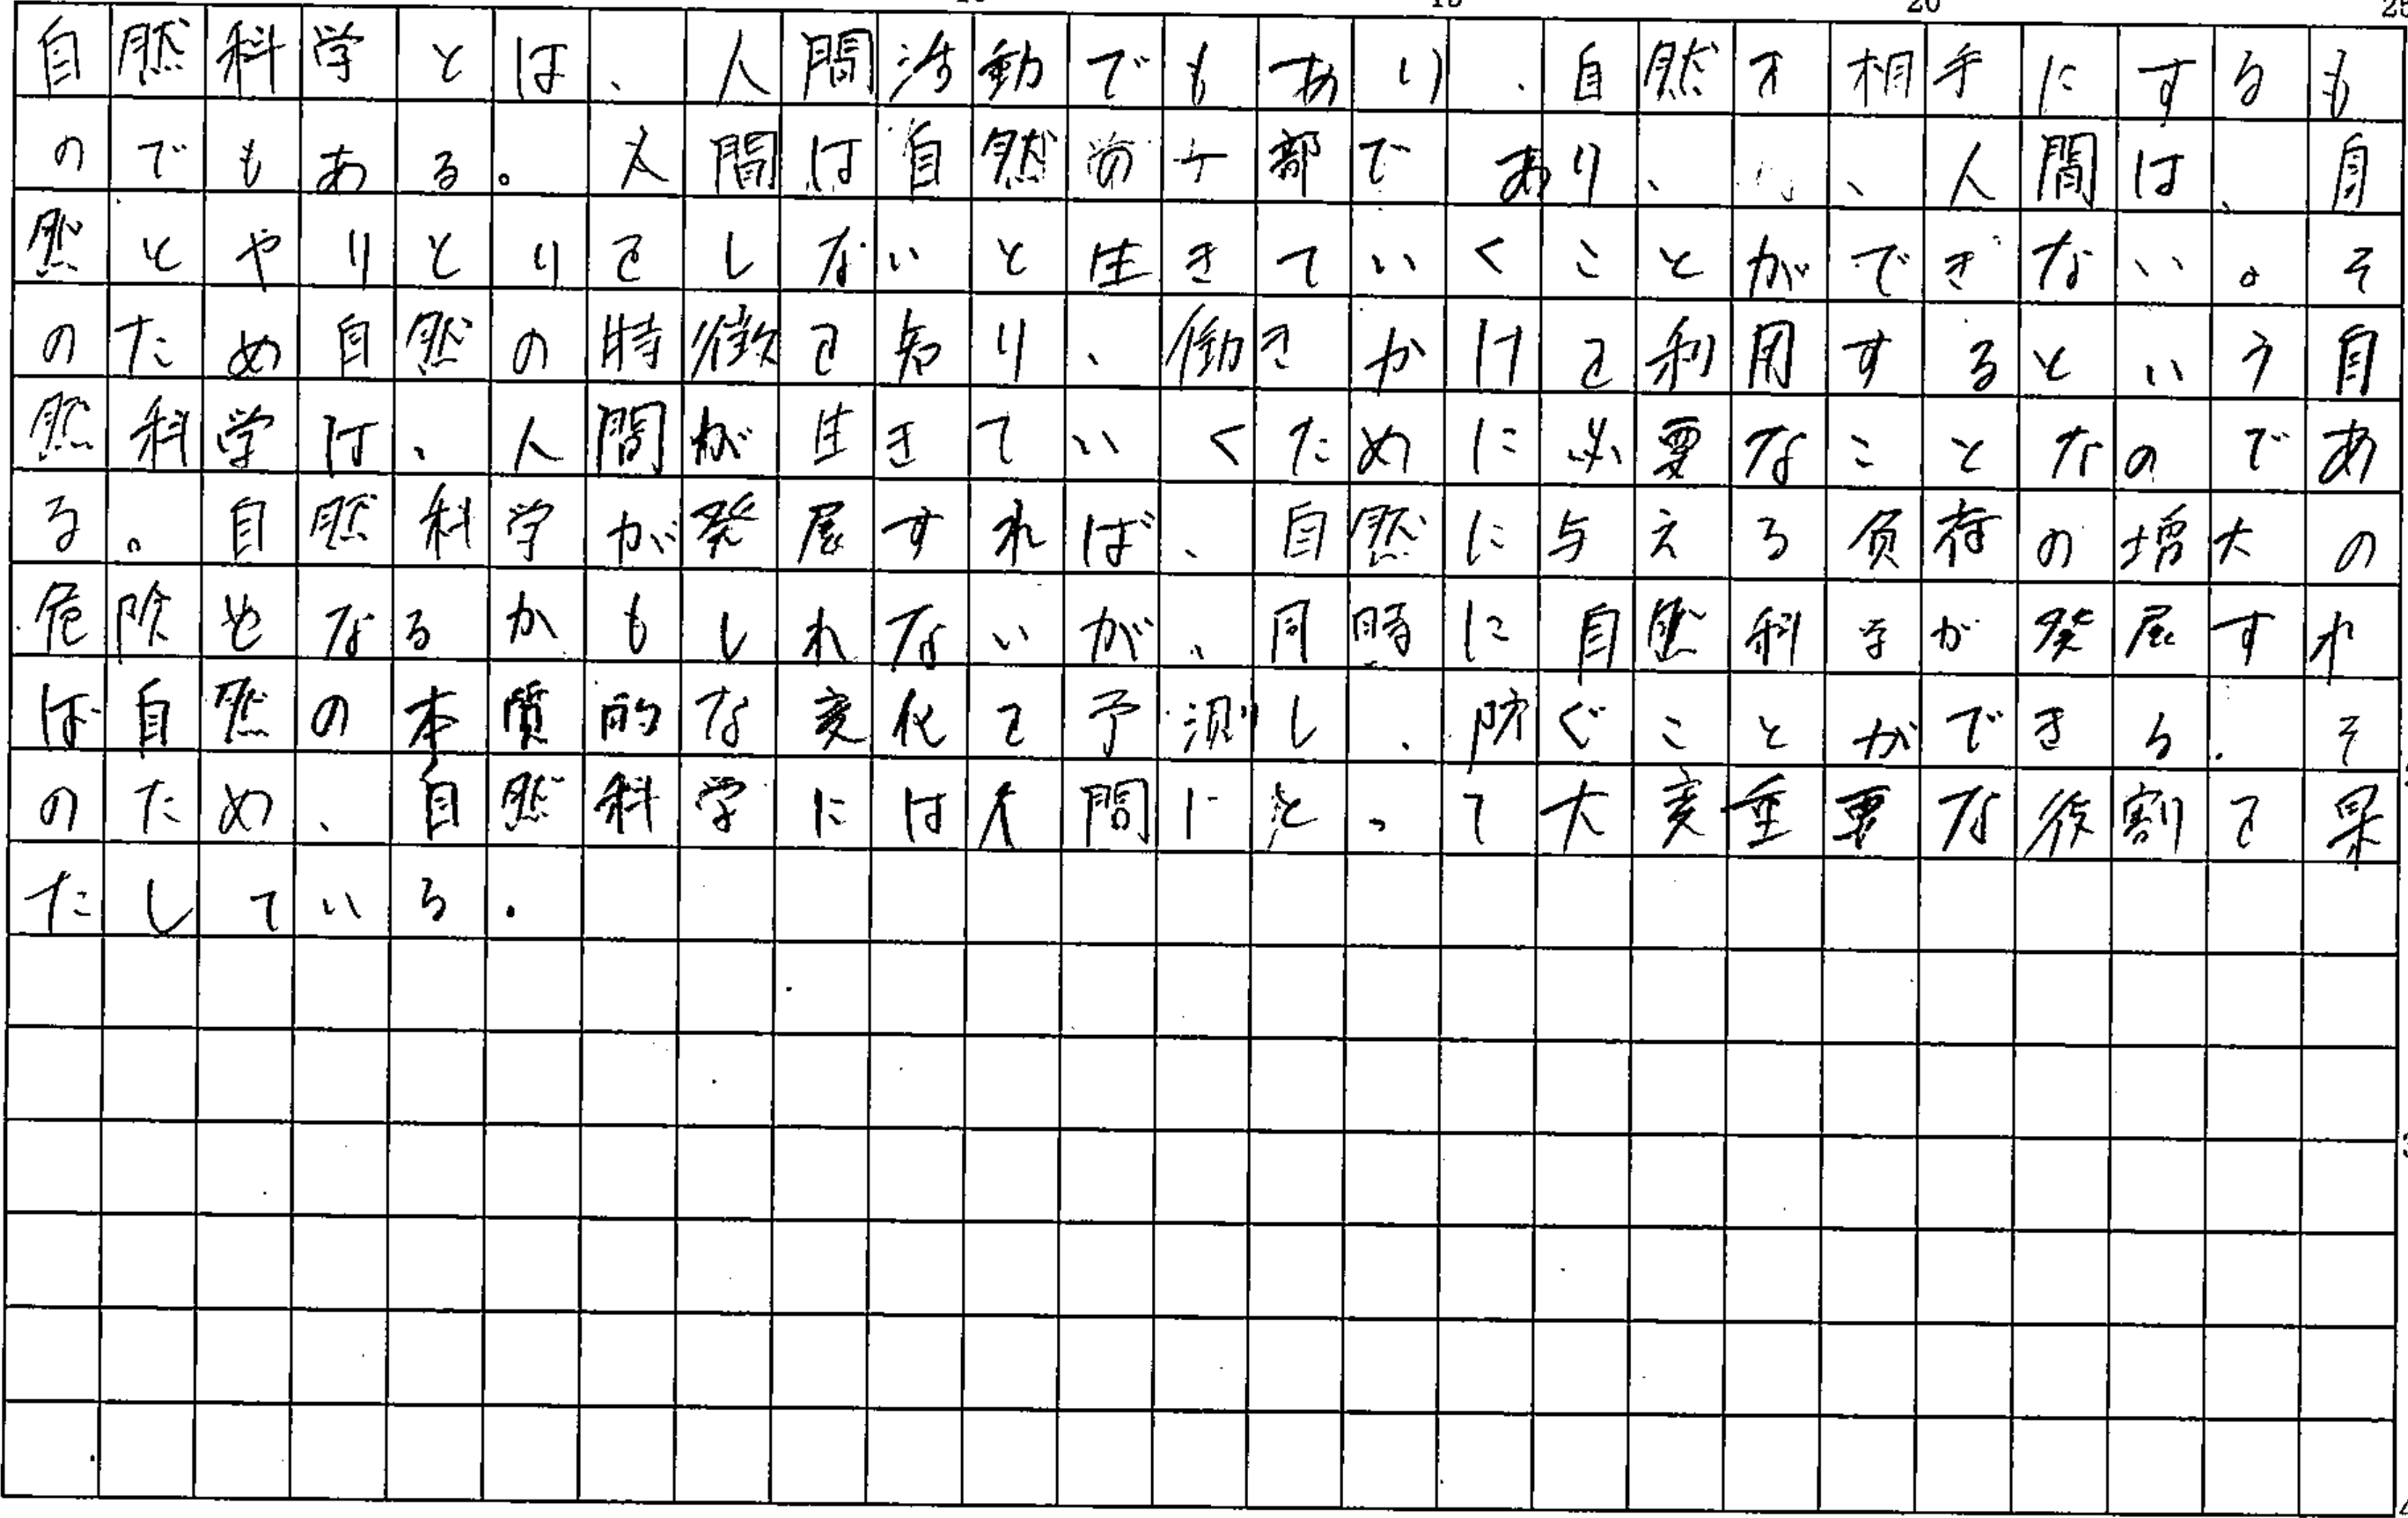自然科学とは、人間活動でもあり、自然を相手にするものでもある。人間は自然の一部であり、　　人間は、自然とやりとりをしないと生きていくことができない。そのため自然の特徴を知り、働きかけを利用するという自然科学は、人間が生きていくために必要なことなのである。自然科学が発展すれば、自然に与える負荷の増大の危険となるかもしれないが、同時に自然科学が発展すれば自然の本質的な変化を予測し、防ぐことができる。そのため、自然科学には人間にとって大変重要な役割を果たしている。
